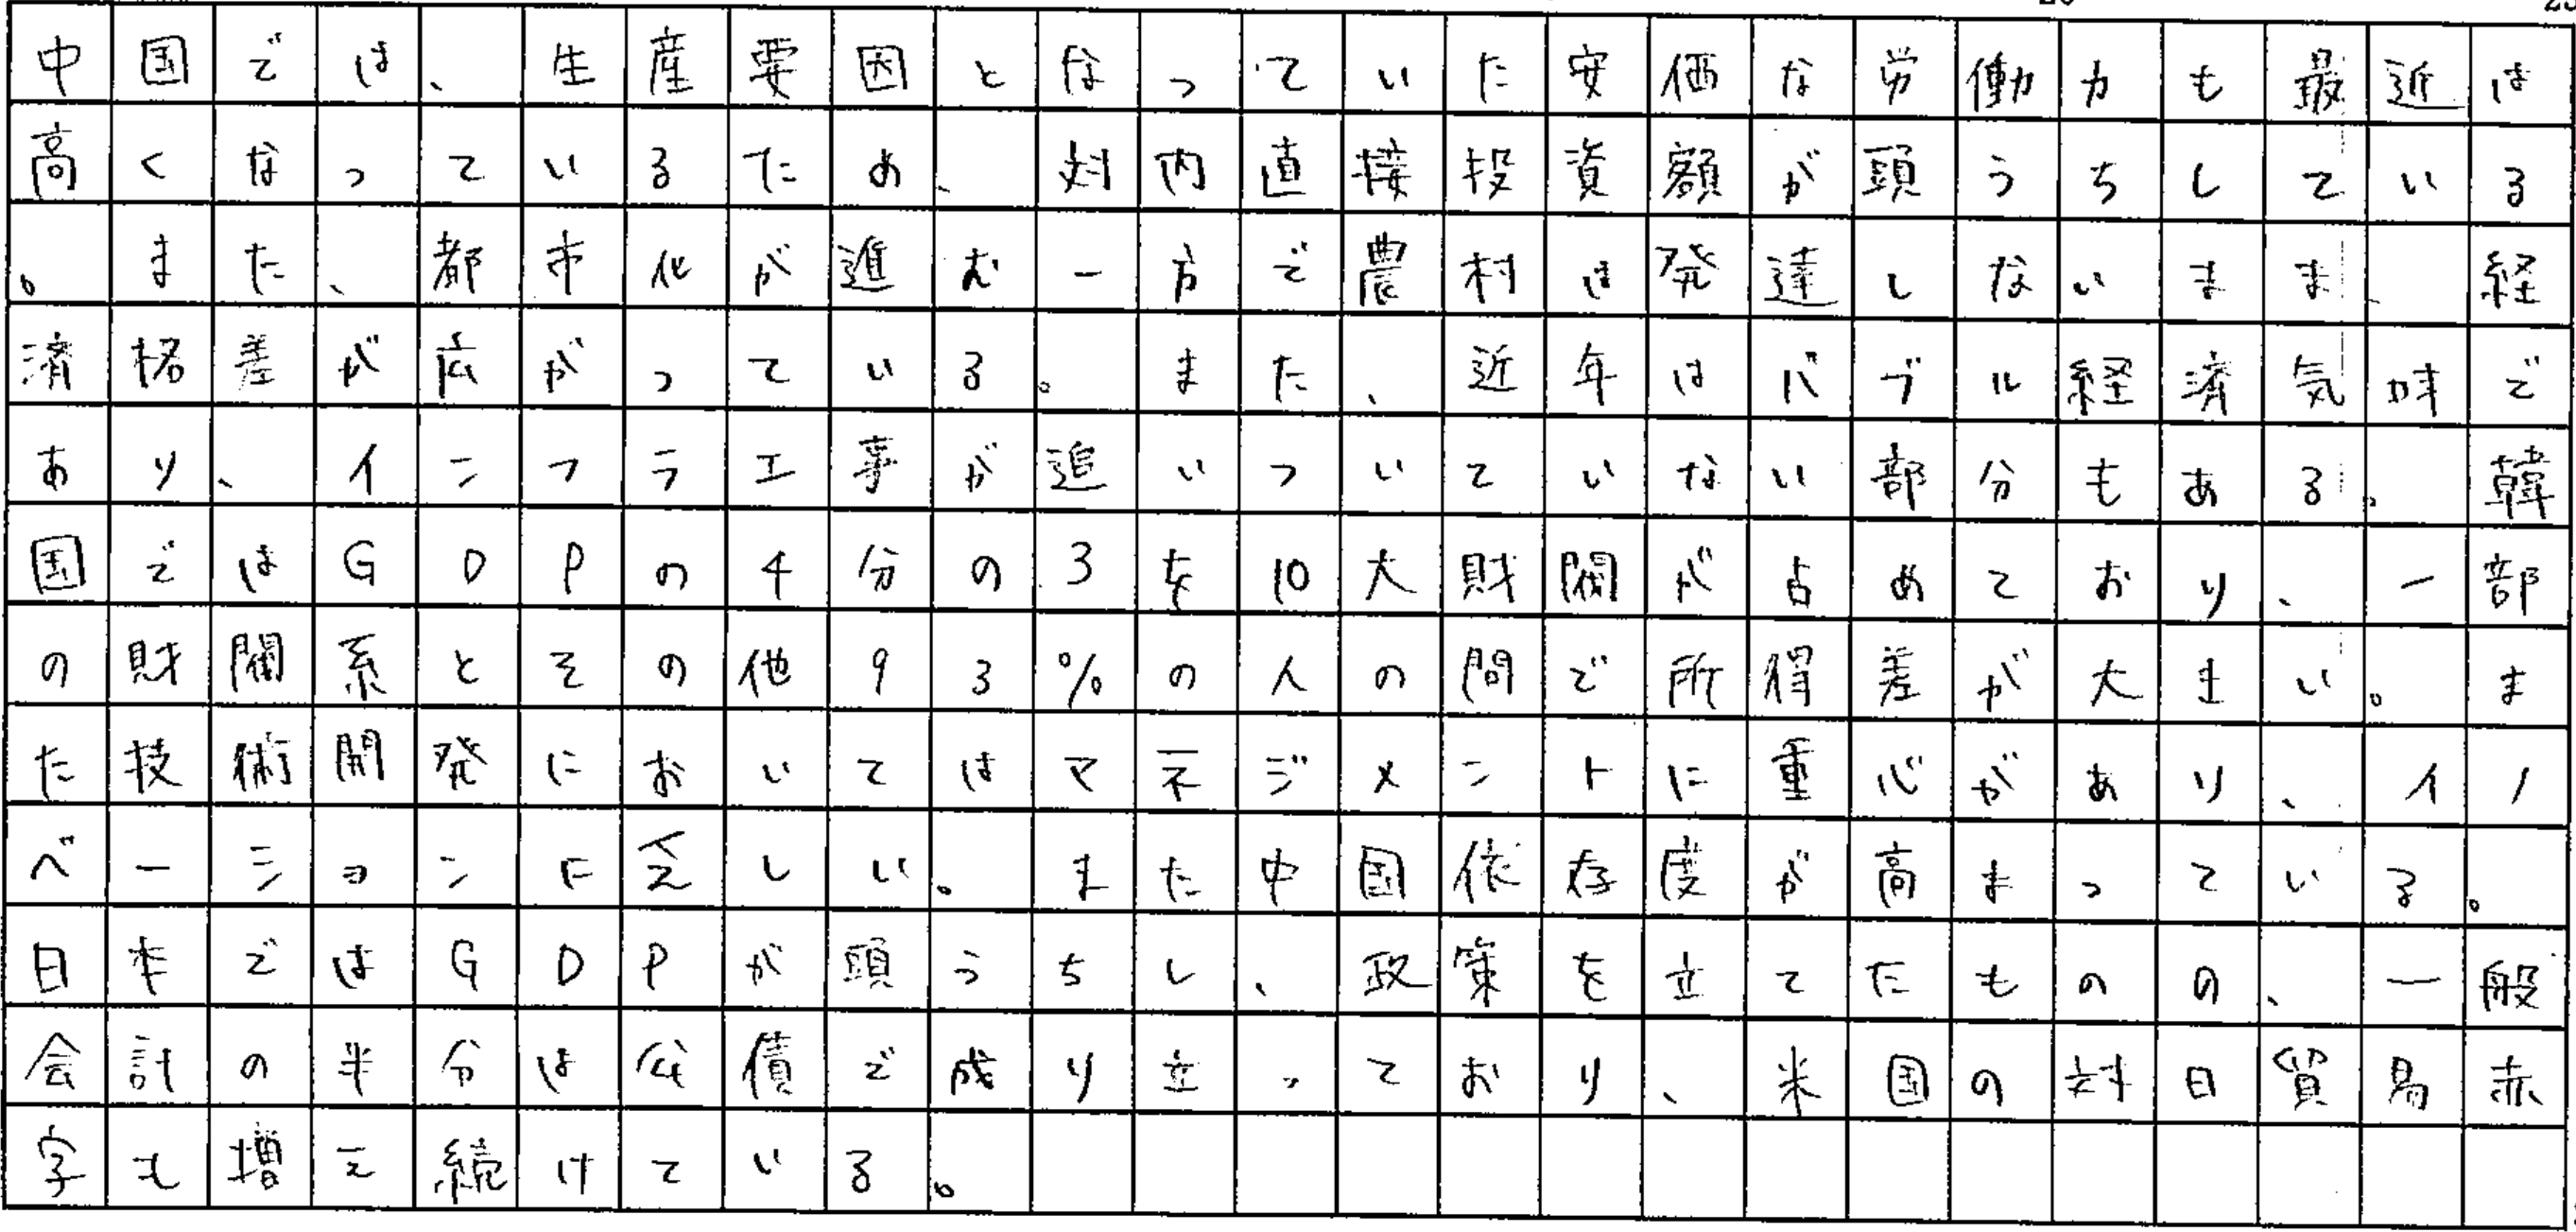中国では、生産要因となっていた安価な労働力も最近は高くなっているため、対内直接投資額が頭うちしている。また、都市化が進む一方で農村は発達しないまま、経済格差が広がっている。また、近年はバブル経済気味であり、インフラ工事が追いついていない部分もある。韓国ではＧＤＰの４分の３を10大財閥が占めており、一部の財閥系とその他９３％の人の間で所得差が大きい。また技術開発においてはマネジメントに重心があり、イノベーションに乏しい。また中国依存度が高まっている。日本ではＧＤＰが頭うちし、政策を立てたものの、一般会計の半分は公債で成り立っており、米国の対日貿易赤字も増え続けている。
